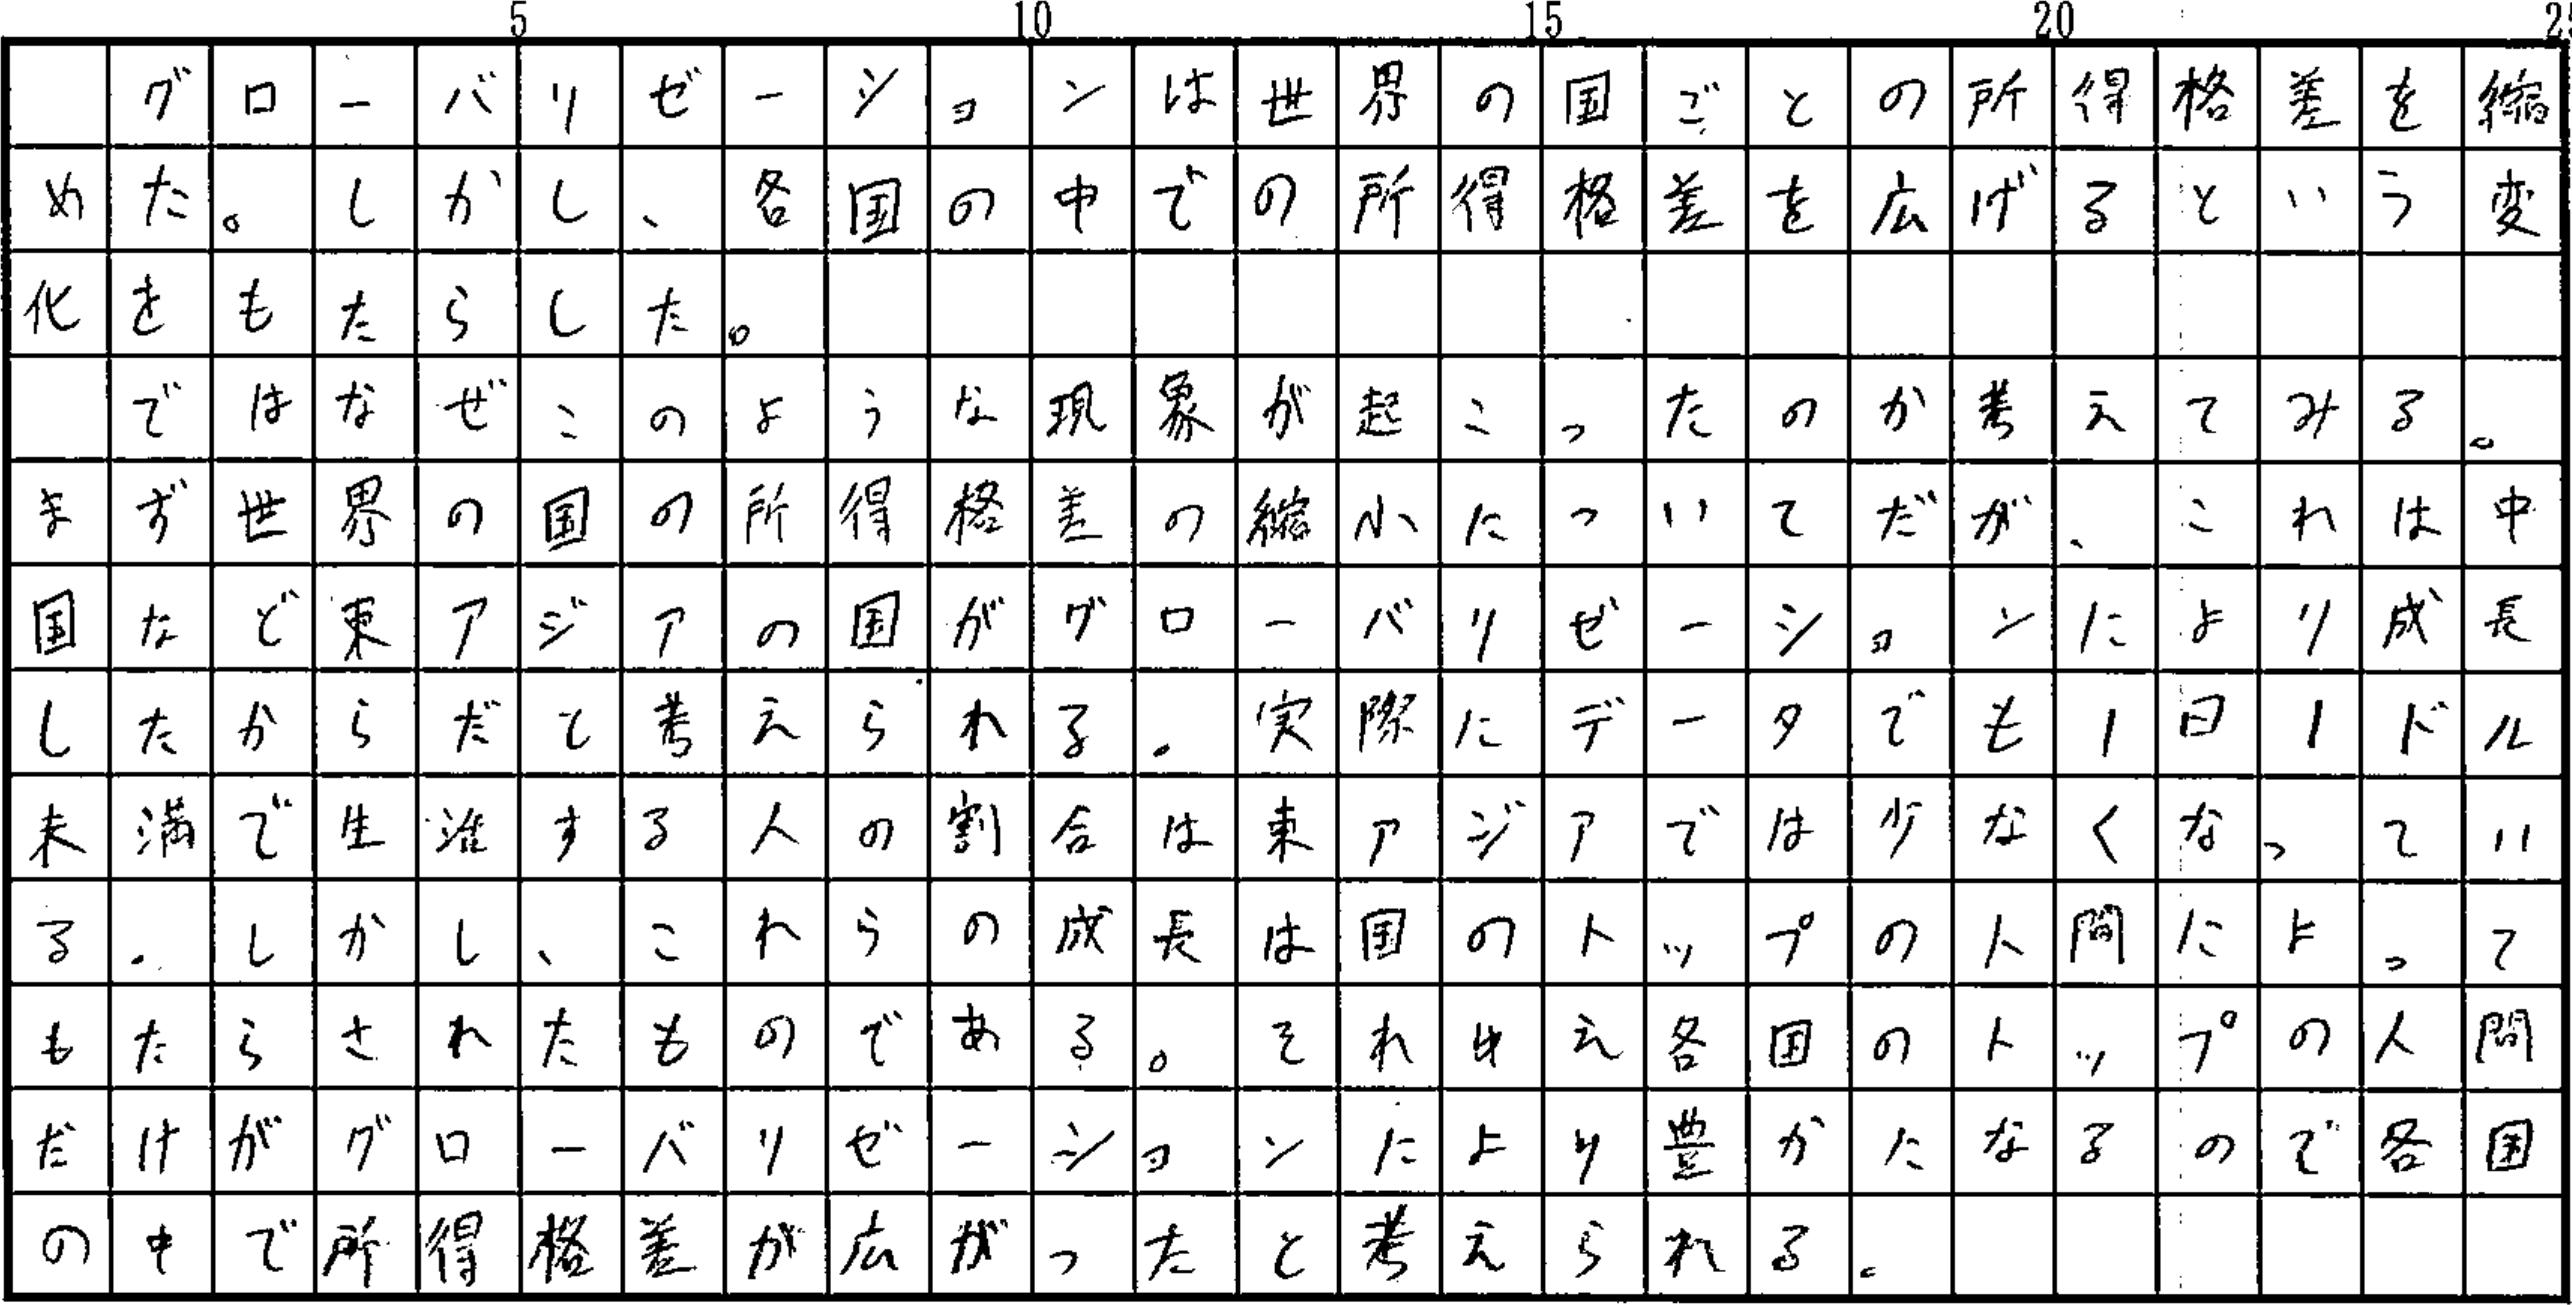　グローバリゼーションは世界の国ごとの所得格差を縮めた。しかし、各国の中での所得格差を広げるという変化をもたらした。
　ではなぜこのような現象が起こったのか考えてみる。まず世界の国の所得格差の縮小についてだが、これは中国など東アジアの国がグローバリゼーションにより成長したからだと考えられる。実際にデータでも１日１ドル未満で生活する人の割合は東アジアでは少なくなっている。しかし、これらの成長は国のトップの人間によってもたらされたものである。それゆえ各国のトップの人間だけがグローバリゼーションにより豊かになるので各国の中で所得格差が広がったと考えられる。
